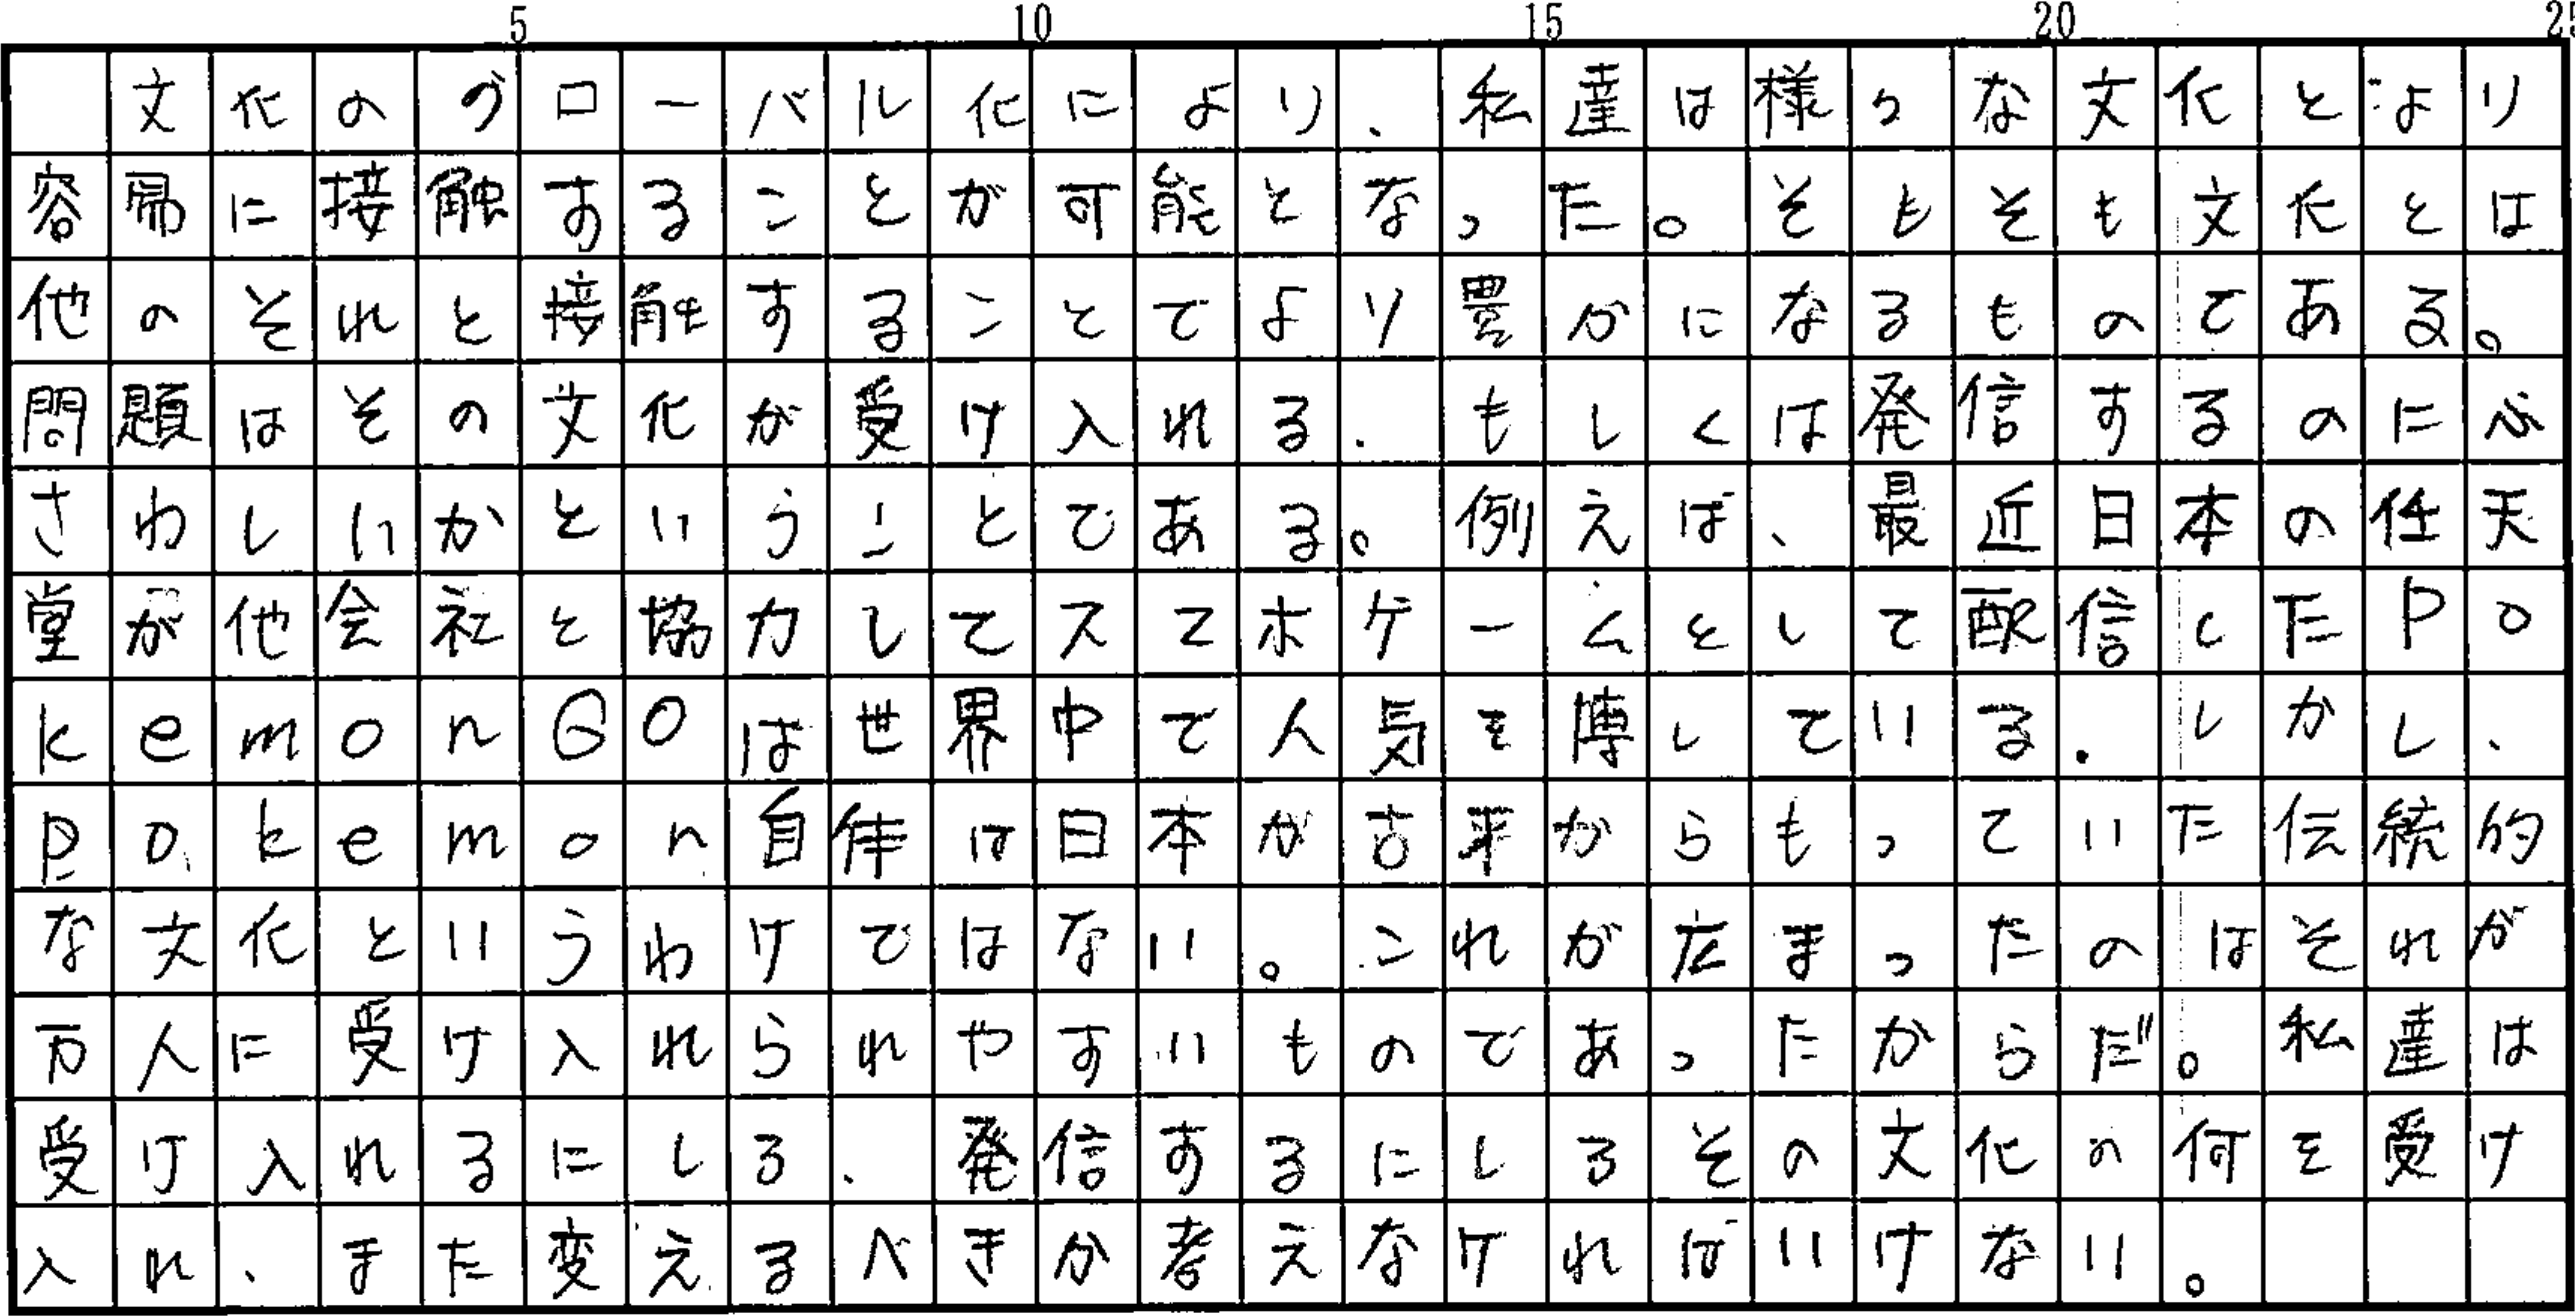　文化のグローバル化により、私達は様々な文化とより容易に接触することが可能となった。そもそも文化とは他のそれと接触することでより豊かになるものである。問題はその文化が受け入れる、もしくは発信するのにふさわしいかということである。例えば、最近日本の任天堂が他会社と協力してスマホゲームとして配信したＰｏｋｅｍｏｎＧＯは世界中で人気を博している。しかし、Ｐｏｋｅｍｏｎ自体は日本が古来からもっていた伝統的な文化というわけではない。これが広まったのはそれが万人に受け入れられやすいものであったからだ。私達は受け入れるにしろ、発信するにしろその文化の何を受け入れ、また変えるべきか考えなければいけない。
